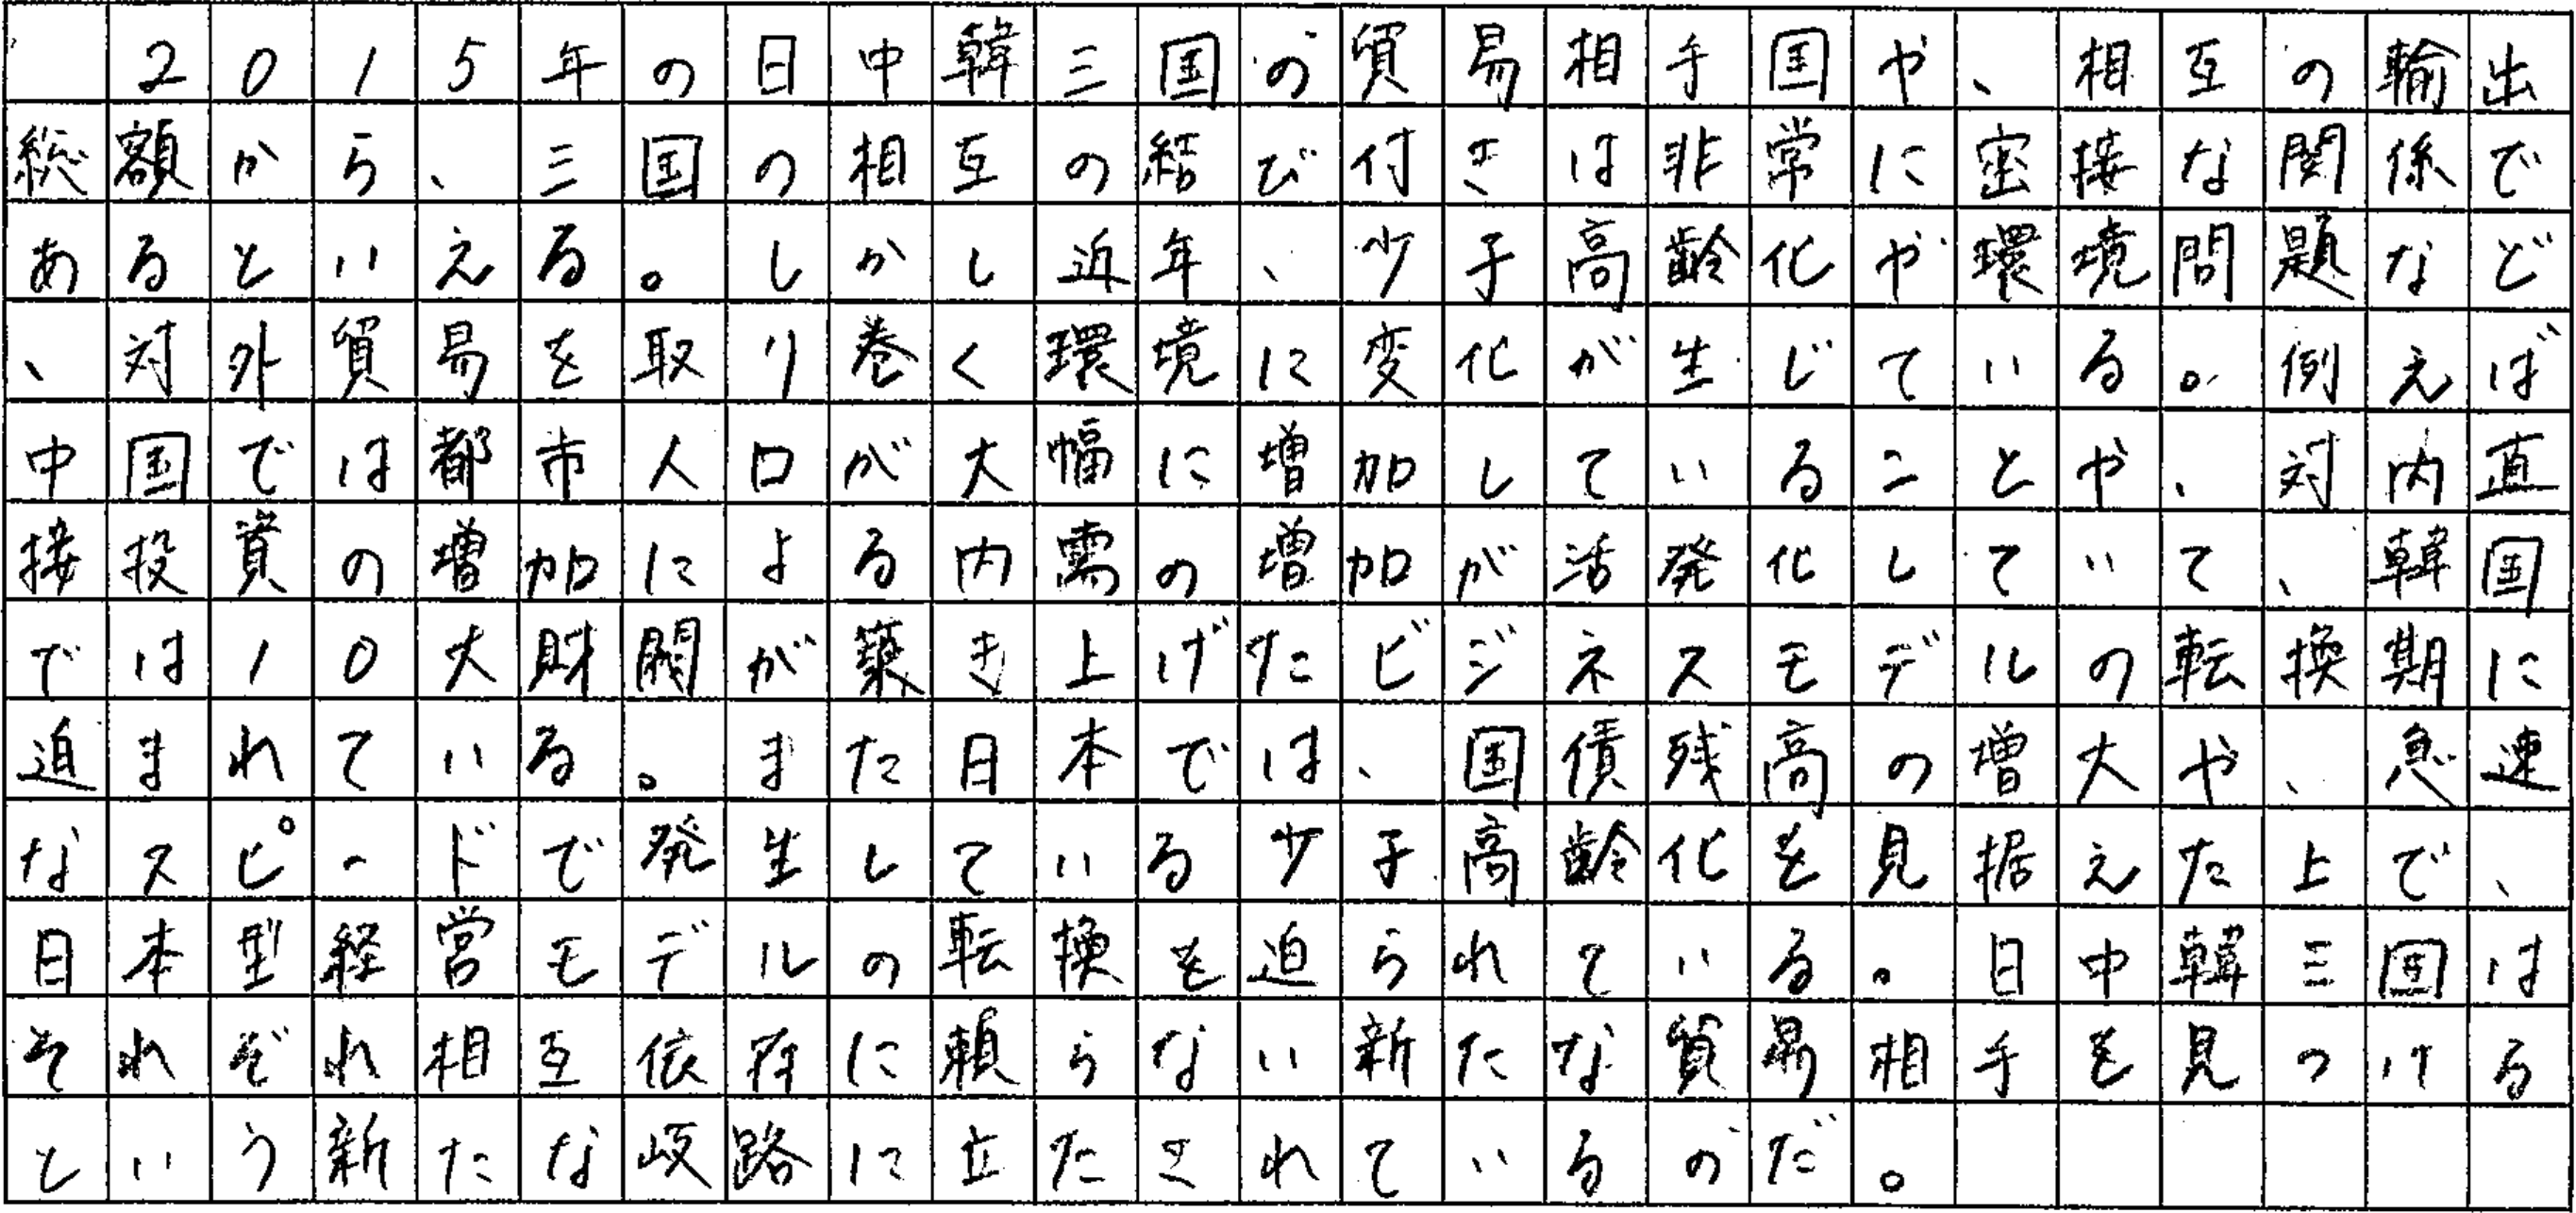　２０１５年の日中韓三国の貿易相手国や、相互の輸出総額から、三国の相互の結び付きは非常に密接な関係であるといえる。しかし近年、少子高齢化や環境問題など、対外貿易を取り巻く環境に変化が生じている。例えば中国では都市人口が大幅に増加していることや、対内直接投資の増加による内需の増加が活発化していて、韓国では１０大財閥が築き上げたビジネスモデルの転換期に迫まれている。また日本では、国債残高の増大や、急速なスピードで発生している少子高齢化を見据えた上で、日本型経営モデルの転換を迫られている。日中韓三国はそれぞれ相互依存に頼らない新たな貿易相手を見つけるという新たな岐路に立たされているのだ。
